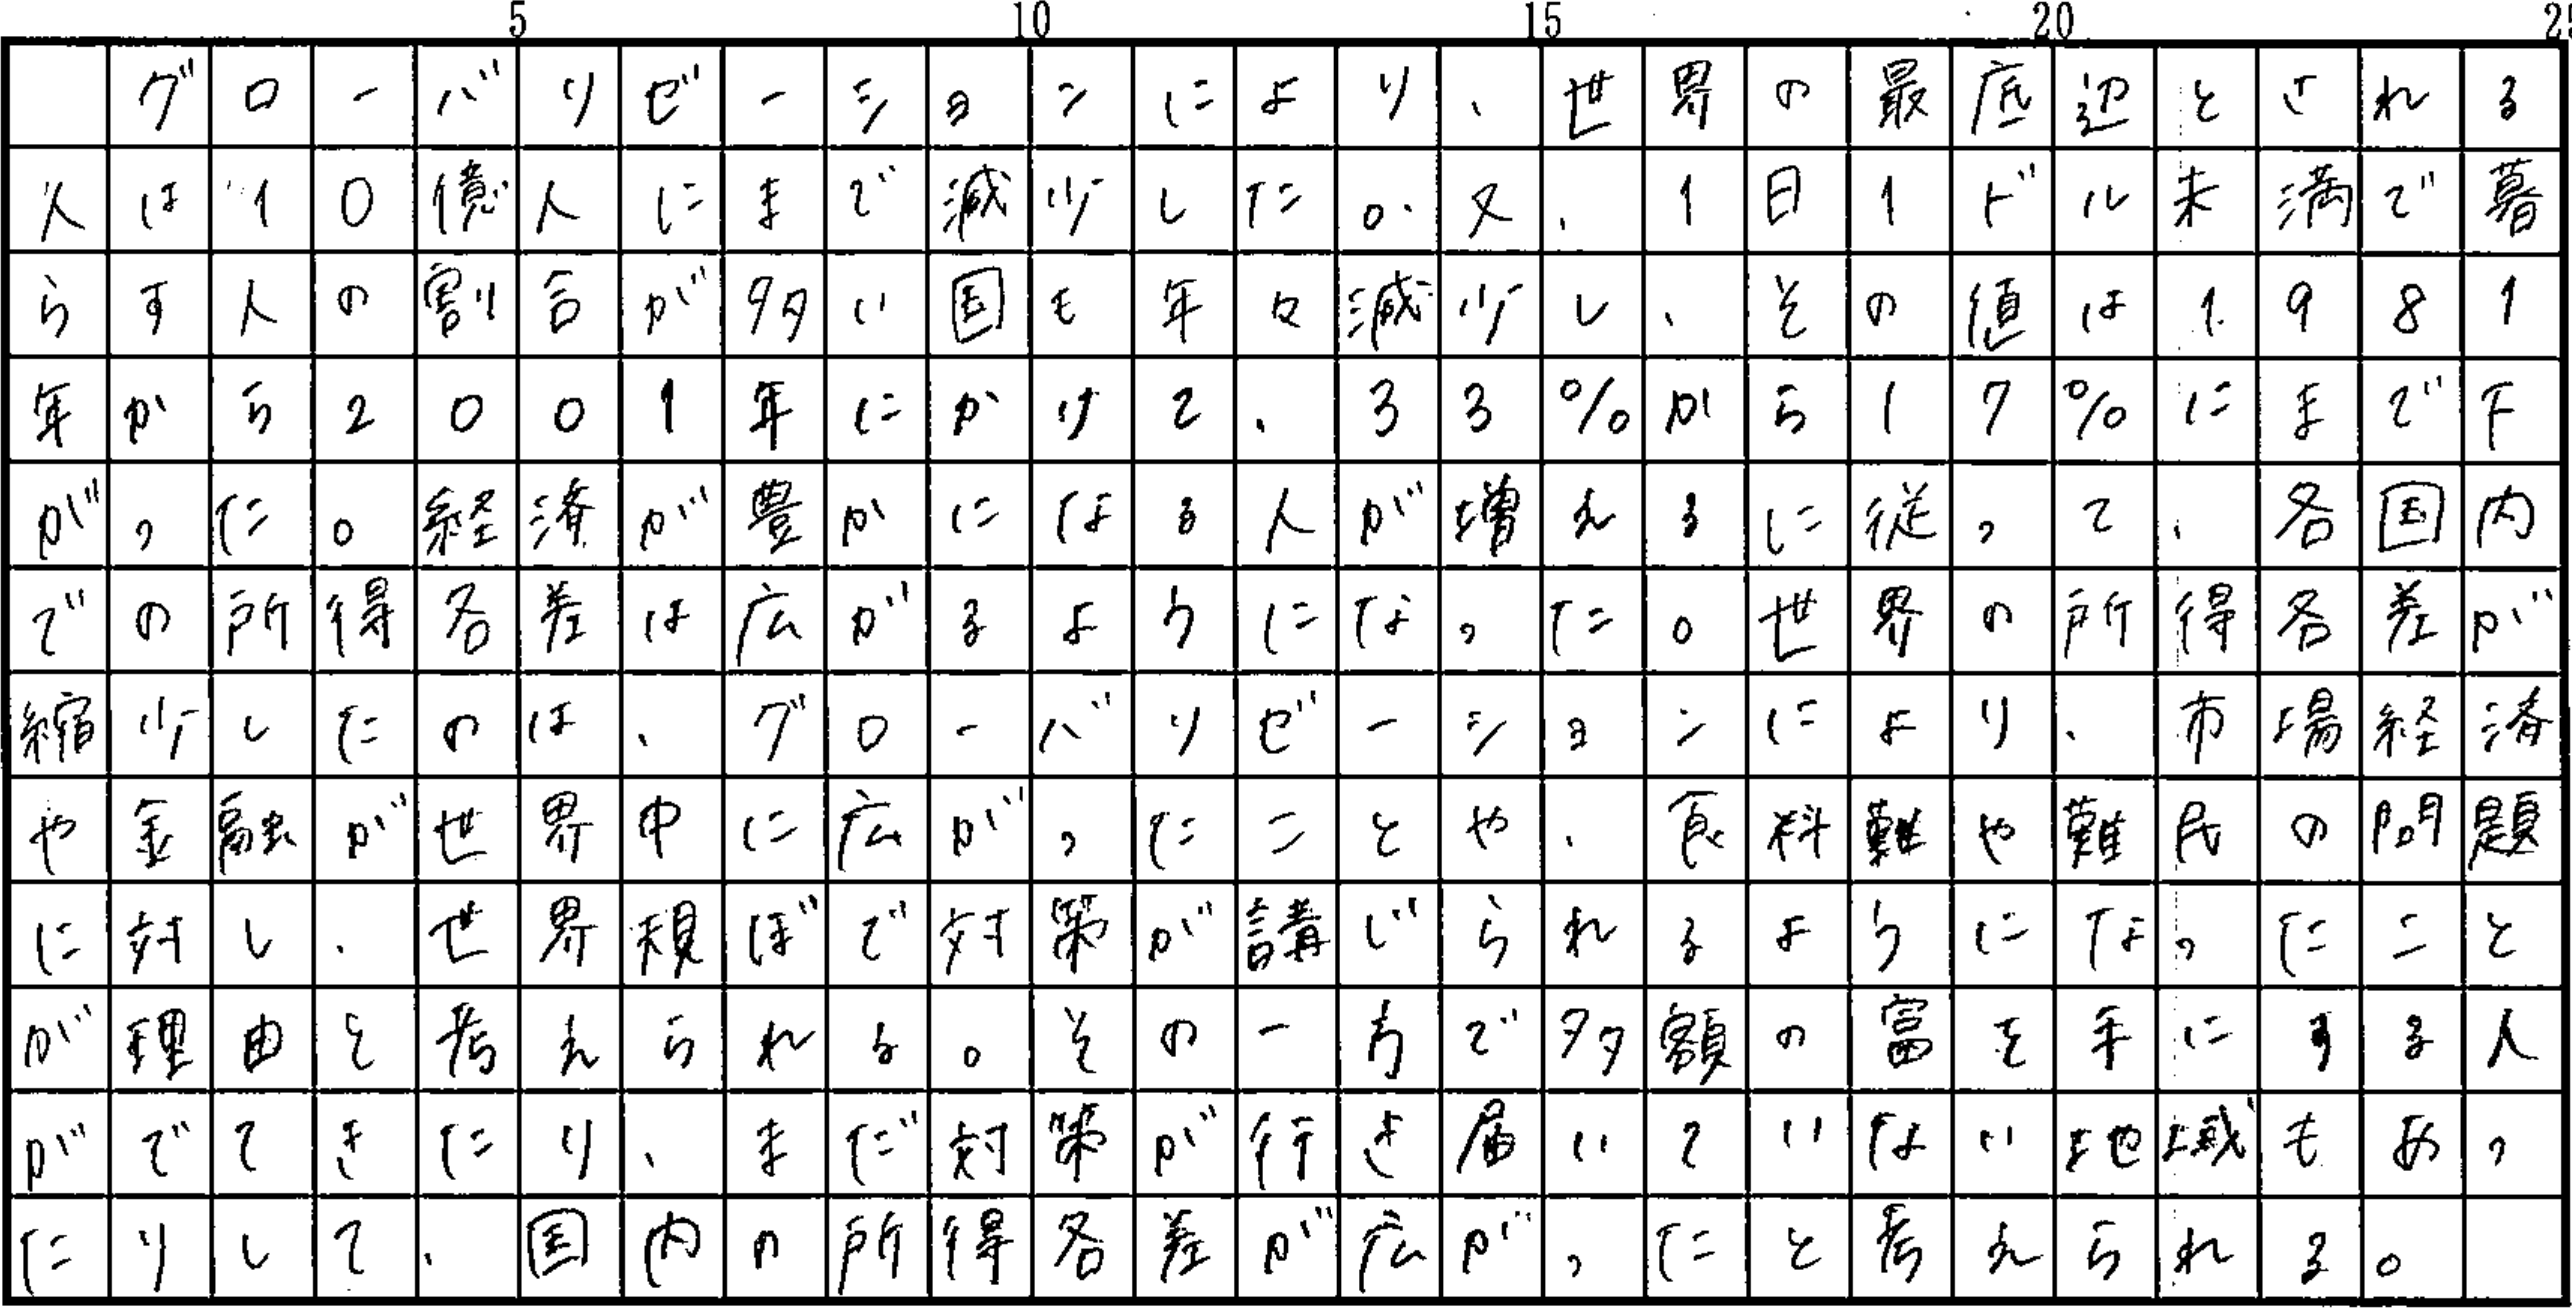　グローバリゼーションにより、世界の最底辺とされる人は１０億人にまで減少した。又、１日１ドル未満で暮らす人の割合が多い国も年々減少し、その値は１９８１年から２００１年にかけて、３３％から１７％にまで下がった。経済が豊かになる人が増えるに従って、各国内での所得各差は広がるようになった。世界の所得各差が縮少したのは、グローバリゼーションにより、市場経済や金融が世界中に広がったことや、食料難や難民の問題に対し、世界規ぼで対策が講じられるようになったことが理由と考えられる。その一方で多額の富を手にする人がでてきたり、まだ対策が行き届いていない地域もあったりして、国内の所得各差が広がったと考えられる。
